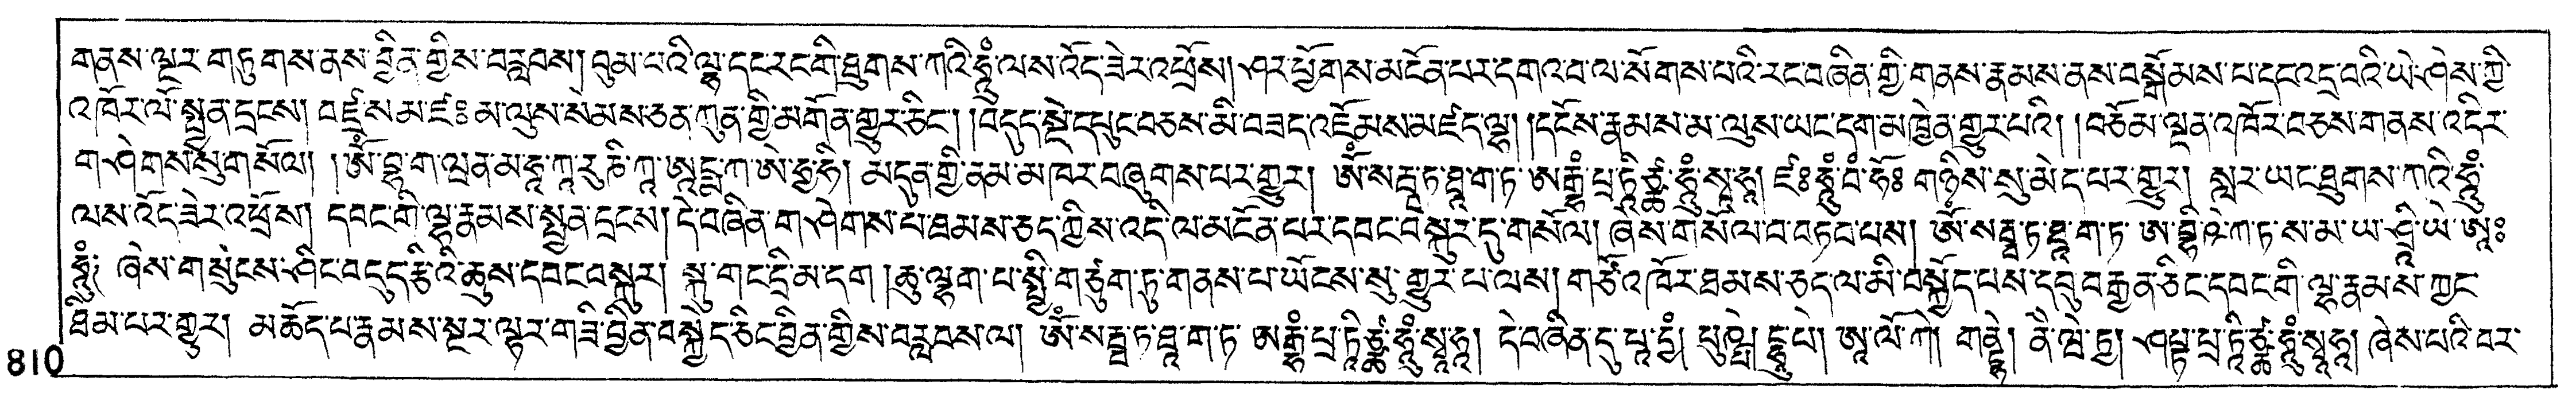གནས་ལྔར་གཏུགས་ནས་བྱིན་གྱིས་བརླབས། བུམ་པའི་ལྷ་དང་རང་གི་ཐུགས་ཀའི་ཧཱུཾ་ལས་འོད་ཟེར་འཕྲོས། ཤར་ཕྱོགས་མངོན་པར་དགའ་བ་ལ་སོགས་པའི་རང་བཞིན་གྱི་གནས་རྣམས་ནས་བསྒོམས་པ་དང་འདྲ་བའི་ཡེ་ཤེས་ཀྱི་
འཁོར་ལོ་སྤྱན་དྲངས། བཛྲ་ས་མ་ཛཿ མ་ལུས་སེམས་ཅན་ཀུན་གྱི་མགོན་གྱུར་ཅིང་། །བདུད་སྡེ་དཔུང་བཅས་མི་བཟད་འཇོམས་མཛད་ལྷ། །དངོས་རྣམས་མ་ལུས་ཡང་དག་མཁྱེན་གྱུར་པའི། །བཅོམ་ལྡན་འཁོར་བཅས་གནས་འདིར་
གཤེགས་སུ་གསོལ། །ཨོཾ་བྷ་ག་ཝན་མ་ཧཱ་ཀཱ་རུ་ཎི་ཀཱ་ཨཱདམ་ཀ་ཨེ་ཧྱ་ཧི། མདུན་གྱི་ནམ་མཁར་བཞུགས་པར་གྱུར། ཨོཾ་སརྦྦ་ཏ་ཐཱ་ག་ཏ་ཨརྒྷཾ་པྲ་ཏཱི་ཙྪ་ཧཱུཾ་སྭཱཧཱ། ཛཿ ཧཱུཾ་བཾ་ཧོཿ གཉིས་སུ་མེད་པར་གྱུར། སླར་ཡང་ཐུགས་ཀའི་ཧཱུཾ་
ལས་འོད་ཟེར་འཕྲོས། དབང་གི་ལྷ་རྣམས་སྤྱན་དྲངས། དེ་བཞིན་གཤེགས་པ་ཐམས་ཅད་ཀྱིས་འདི་ལ་མངོན་པར་དབང་བསྐུར་དུ་གསོལ། ཞེས་གསོལ་བ་བཏབ་པས། ཨོཾ་སརྦྦ་ཏ་ཐཱ་ག་ཏ་ཨ་བྷི་ཥེ་ཀ་ཏ་ས་མ་ཡ་ཤྲཱི་ཡེ་ཨཱཿ
ཧཱུཾ༑ ཞེས་གསུངས་ཤིང་བདུད་རྩིའི་ཆུས་དབང་བསྐུར། སྐུ་གང་དྲི་མ་དག །ཆུ་ལྷག་པ་སྤྱི་གཙུག་ཏུ་གནས་པ་ཡོངས་སུ་གྱུར་པ་ལས། གཙོ་འཁོར་ཐམས་ཅད་ལ་མི་བསྐྱོད་པས་དབུ་བརྒྱན་ཅིང་དབང་གི་ལྷ་རྣམས་ཀྱང་
ཐིམ་པར་གྱུར། མཆོད་པ་རྣམས་སྔར་ལྟར་གཟི་བྱིན་བསྐྱེད་ཅིང་བྱིན་གྱིས་བརླབས་ལ། ཨོཾ་སརྦྦ་ཏ་ཐཱ་ག་ཏ་ཨརྒྷཾ་པྲ་ཏཱི་ཙྪ་ཧཱུཾ་སྭཱཧཱ། དེ་བཞིན་དུ་པཱ་དྱཾ། པུཥྤེ། དྷཱུ་པེ། ཨཱ་ལོ་ཀེ། གནྡྷེ། ནཻ་ཝེ་དྱ། ཤཔྟ་པྲ་ཏཱི་ཙྪ་ཧཱུཾ་སྭཱཧཱ། ཞེས་པའི་བར་